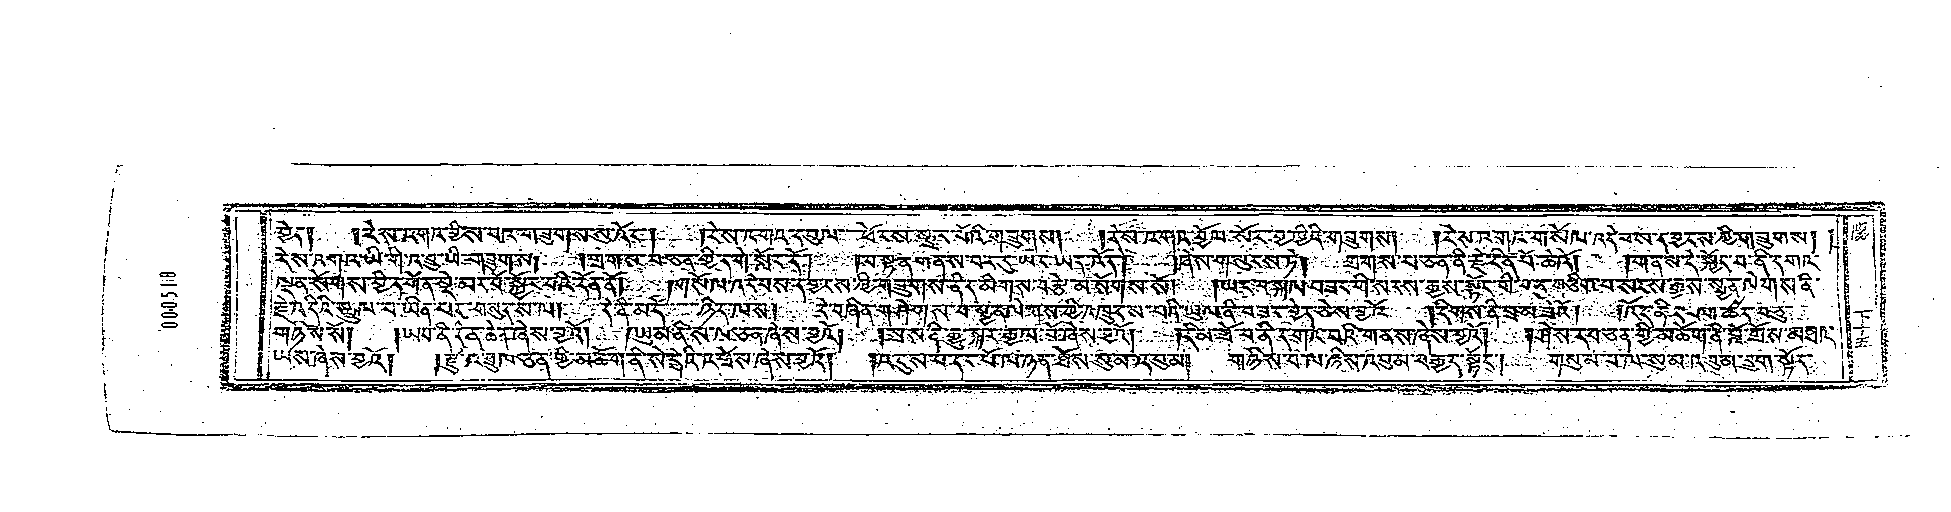བྱེད། །རེས་འགའ་བྱིས་པའི་གཟུགས་སུ་འོང་། །རེས་འགའ་དབུལ་ཕོངས་སྤྲང་པོའི་གཟུགས། །རེས་འགའ་བྱོལ་སོང་བྱ་ཁྱིའི་གཟུགས། །རེས་འགའ་གསོལ་འདེབས་དབྱངས་ཀྱི་གཟུགས། །
རེས་འགའ་ཡི་གེ་འབྲུ་ཡི་གཟུགས། །གྲགས་བ་ཅན་གྱི་དགེ་སློང་དོ། །བསྟན་གནས་བར་དུ་ཡང་ཡང་འོད། །ཞེས་གསུངས་ཏེ། གྲགས་པ་ཅན་ནི་རྗེ་རིན་པོ་ཆེའོ། །གནས་དེ་སྐྱོང་བ་ནི་དགའ་
ལྡན་སོགས་བྱི་དགོན་སྡེ་མང་བོ་སྐྱོང་བའི་དོན་ནོ། །གསོལ་འདེབས་དབྱངས་ཀྱི་གཟུགས་ནི་དམིགས་བརྩེ་མ་སོགས་སོ། །ཡང་བསྐལ་བཟང་གི་སངས་རྒྱས་སྟོང་གི་བཅུ་གཅིག་པ་སངས་རྒྱས་སྤྱན་ལེགས་ནི་
རྗེ་འདིའི་སྤྲུལ་པ་ཡིན་པར་གསུངས་ལ། དེ་ནི་མདོ་ཉིད་ལས། དེ་བཞིན་གཤེགས་པ་སྤྱན་ལེགས་ཀྱི་འཁྲུངས་པའི་ཡུལ་ནི་བཟང་བྱེད་ཅེས་བྱའོ། །རིགས་ནི་བྲམ་ཟེའོ། །འོད་ནི་དཔག་ཚད་བཅུ་
གཉིས་སོ། །ཡབ་ནི་རིན་ཆེན་ཞེས་བྱའོ། །ཡུམ་ནི་ས་ལ་ཅན་ཞེས་བྱའོ། །སྲས་ནི་རྒྱུ་སྐར་རྒྱལ་བོ་ཞེས་བྱའོ། །རིམ་གྲོ་བ་ནི་དགའ་བའི་གནས་ཞེས་བྱའོ། །ཤེས་རབ་ཅན་གྱི་མཆོག་ནི་བློ་གྲོས་མཐའ་
ཡས་ཞེས་བྱའོ། །རྫུ་འཕྲུལ་ཅན་གྱི་མཆོག་ནི་སེངྒེའི་འགྲོས་ཞེས་བྱའོ། །འདུས་བ་དང་པོ་ལ་ཉན་ཐོས་སུམ་འབུམ། གཉིས་པ་ལ་ཉིས་འབུམ་བརྒྱད་སྟོང་། གསུམ་བ་ལ་སུམ་འབུམ་དྲུག་སྟོད་